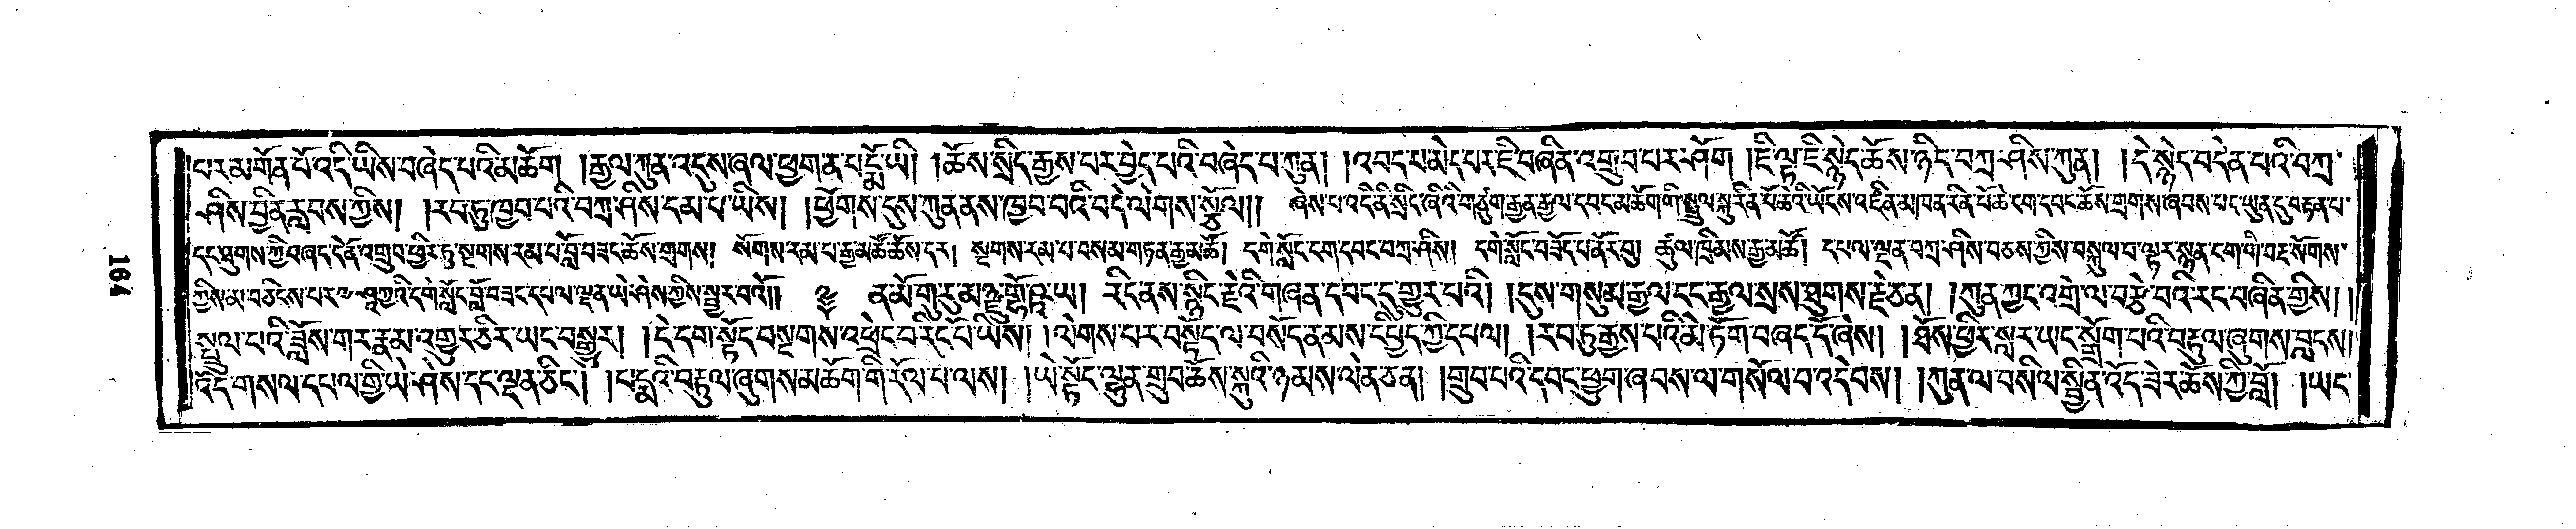པར་མགོན་པོ་འདི་ཡིས་བཞེད་པའི་མཆོག །རྒྱལ་ཀུན་འདུས་ཞལ་ཕྱག་ན་པདམོ་ཡི། །ཆོས་སྲིད་རྒྱས་པར་བྱེད་པའི་བཞེད་པ་ཀུན། །འབད་པ་མེད་པར་ཇི་བཞིན་འགྲུབ་པར་ཤོག །ཇི་ལྟ་ཇི་སྙེད་ཆོས་ཉིད་བཀྲ་ཤིས་ཀུན། །དེ་སྙེད་བདེན་པའི་བཀྲ་
ཤིས་བྱིན་རླབས་ཀྱིས། །རབ་ཏུ་ཁྱབ་པའི་བཀྲ་ཤིས་དམ་པ་ཡིས། །ཕྱོགས་དུས་ཀུན་ནས་ཁྱབ་པའི་བདེ་ལེགས་སྩོལ།། ཞེས་པ་འདི་ནི་སྲིད་ཞིའི་གཙུག་རྒྱན་རྒྱལ་དབང་མཆོག་གི་སྤྲུལ་སྐུ་རིན་པོ་ཆེའི་ཡོངས་འཛིན་མཁན་རིན་པོ་ཆེ་ངག་དབང་ཆོས་གྲགས་ཞབས་པད་ཡུན་དུ་བརྟན་པ་
དང་ཐུགས་ཀྱི་བཞད་དོན་འགྲུབ་ཕྱིར་ཏུ་སྔགས་རམ་པ་བློ་བཟང་ཆོས་གྲགས། སོགས་རམ་པ་རྒྱ་མཚོ་ཆོས་དར། སྔགས་རམ་པ་བསམ་གཏན་རྒྱ་མཚོ། དགེ་སློང་ངག་དབང་བཀྲ་ཤིས། དགེ་སློང་བཟོད་པ་ནོར་བུ། ཚུལ་ཁྲིམས་རྒྱ་མཚོ། དཔལ་ལྡན་བཀྲ་ཤིས་བཅས་ཀྱིས་བསྐུལ་བ་ལྟར་སྙན་ངག་གི་བརྔ་སོགས་
ཀྱིས་མ་བཅིངས་པར་༧་ཤཱཀྱའི་དགེ་སློང་བློ་བཟང་དཔལ་ལྡན་ཡེ་ཤེས་ཀྱིས་སྦྱར་བའོ།། ༈ ན་མོ་གུ་རུ་མཉྫུ་གྷོཥཱ་ཡ། རིང་ནས་སྙིང་རྗེའི་གཞན་དབང་དུ་གྱུར་པའི། །དུས་གསུམ་རྒྱལ་ངང་རྒྱལ་སྲས་ཐུགས་རྗེ་ཅན། །ཀུན་ཀྱང་འགྲེལ་བརྩེ་བའི་རང་བཞིན་གྱིས། །
སྤྲུལ་པའི་ཟློས་གར་རྣམ་འགྱུར་ཅིར་ཡང་བསྒྱུར། །དེ་དག་སྟོད་བསྔགས་འཕྲེང་བ་རིང་པོ་ཡིས། །ལེགས་པར་བསྟོད་ལ་བསོད་ནམས་དཔྱིད་ཀྱི་དཔལ། །རབ་ཏུ་རྒྱས་པའི་མེ་ཏོག་བཞད་དོ་ཞེས། །ཐོས་ཕྱིར་སླར་ཡང་སྒྲོག་པའི་བརྟུལ་ཞུགས་བླངས།
འོད་གསལ་དཔལ་གྱི་ཡེ་ཤེས་དང་ལྡན་ཅིང་། །པདམའི་བརྟུལ་ཞུགས་མཆོག་གི་རོལ་པ་ལས། །ཡེ་སྟོང་ལྷུན་གྲུབ་ཆོས་སྐུའི་ཉམས་ལེན་ཅན། །གྲུབ་པའི་དབང་ཕྱུག་ཞབས་ལ་གསོལ་བ་འདེབས། །ཀུན་ལ་བསིལ་སྦྱིན་འོད་ཟེར་ཆོས་ཀྱི་བློ། །ཡང་